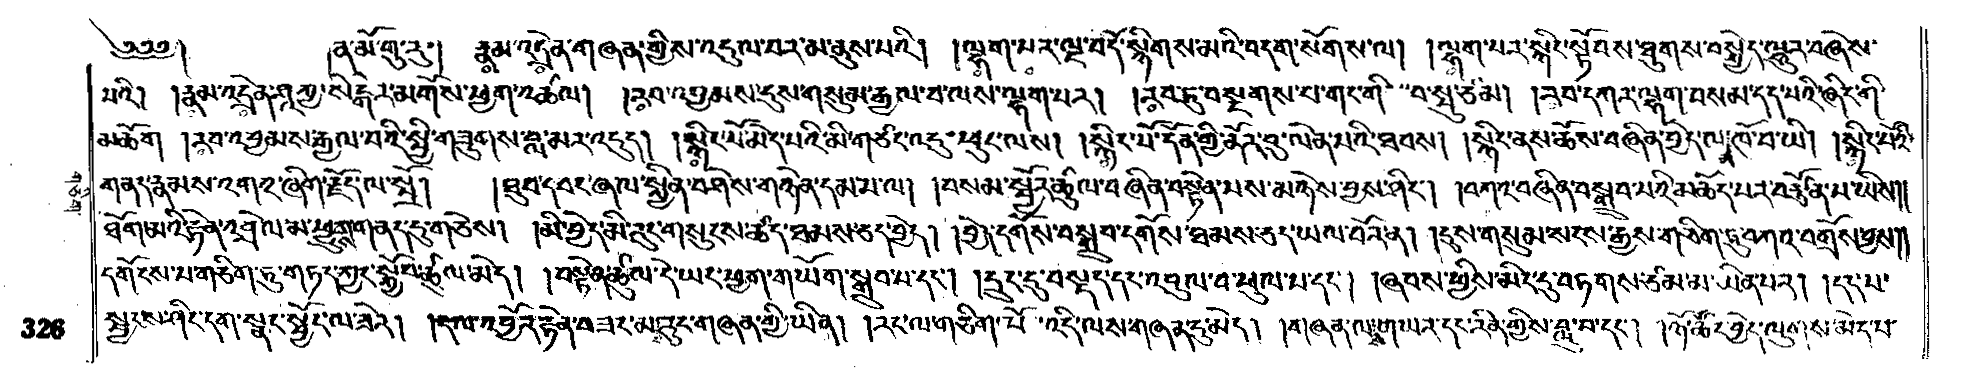༄༅༅། །ན་མོ་གུ་རུ། རྣམ་འདྲེན་གཞན་གྱིས་འདུལ་བར་མ་ནུས་པའི། །ལྷག་པར་ལྔ་བདོ་སྙིགས་མའི་བདག་སོགས་ལ། །ལྷག་པར་སྙིང་སྟོབས་ཐུགས་བསྐྱེད་ལྷུར་བཞེས་
པའི། །རྣམ་འདྲེན་ཤཱཀྱ་སེངྒེར་མགོས་ཕྱག་འཚལ། །རབ་འབྱམས་དུས་གསུམ་རྒྱལ་བ་ལས་ལྷག་པར། །རབ་ཏུ་བསྔགས་པ་གང་གིས་བ་སྤུ་ཙམ། །རབ་དཀར་ལྷག་བསམ་དད་པའི་ཞིང་གི་
མཆོག །རབ་འབྱམས་རྒྱལ་བའི་སྤྱི་གཟུགས་བླ་མར་འདུད། །སྙིང་པོ་མེད་པའི་མི་གཙང་འདུ་ཕུང་ལས། །སྙིང་པོ་དོན་གྱི་ནོར་བུ་ལེན་པའི་ཐབས། །སྙིང་ནས་ཆོས་བཞིན་བྱེད་ལ་མཁོ་བ་ཡི། །སྙིང་པོའི་
གནད་རྣམས་འགའ་ཞིག་རྗོད་ལ་སྤྲོ། །ཐུབ་དབང་ཞལ་སྐྱིན་བཤེས་གཉེན་དམ་པ་ལ། །བསམ་སྦྱོར་ཚུལ་བཞིན་བསྟེན་པས་མཉེས་བྱས་ཤིང་། །བཀའ་བཞིན་བསྒྲུབ་པའི་མཆོད་པར་བརྩོན་པ་ཡིས།།
ཐོག་མའི་རྟེན་འབྲེལ་མ་ཕྱུགས་གནད་དུ་གཅེས། །མི་བྱེད་མི་རུང་གསུངས་ཚད་ཐམས་ཅད་བྱེད། །བྱེད་དགོས་བསྒྲུབ་དགོས་ཐམས་ཅད་ཡལ་བོར་ན། །དུས་གསུམ་སངས་རྒྱས་གཅིག་ཏུ་བཀའ་བགྲོས་བྱས།།
དགོངས་པ་གཅིག་ཏུ་གཏད་ཀྱང་སྐྱོབ་ཚུལ་མེད། །བསྟེན་ཚུལ་དེ་ཡང་ཕྱག་གཡོག་སྒྲུབ་པ་དང་། །དྲུང་དུ་བསྡད་དང་འབུལ་བ་ཕུལ་པ་དང་། །ཞབས་ཕྱིས་མིང་དུ་བཏགས་ཙམ་མ་ཡིན་པར། །དད་པ་
སྦྱངས་ཤིང་དག་སྣང་སྦྱོང་ལ་ཟེར། །དལ་འབྱོར་རྟེན་བཟང་མང་རུང་གཞན་གྱི་ཡིན། །རང་ལ་གཅིག་པོ་འདི་ལས་གཞན་དུ་མེད། །གཞན་ལས་གཡར་དང་རིན་གྱིས་བླུ་བ་དང་། །ཉོ་ཚོང་བྱེད་ལུགས་མེད་པ་